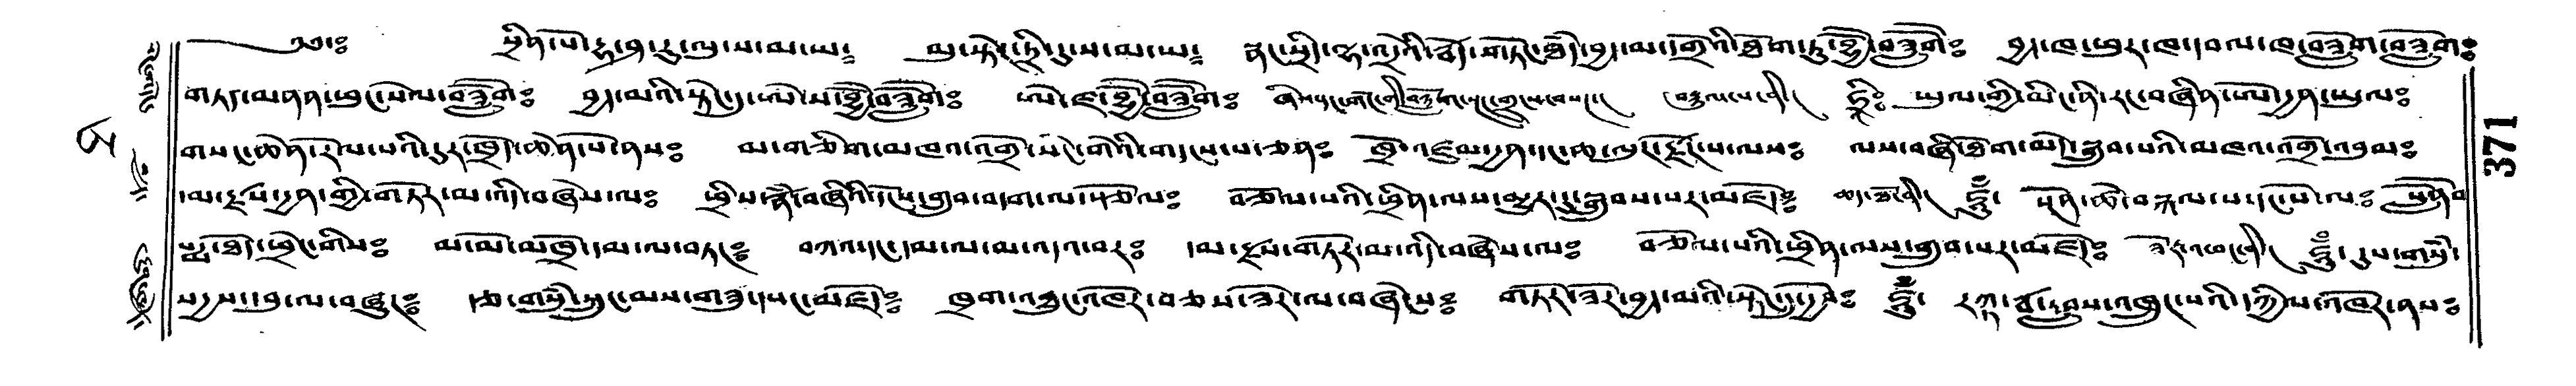སྲིན་པོ་དྷ་ཤ་རུ་ལུ་ས་མ་ཡ༴ མུ་སྟེགས་ཏྲི་དུ་ས་མ་ཡ༴ སྣང་སྲིད་ལྷ་འདྲེའི་རྦོད་གཏོང་ཐམས་ཅད་བྱད་མ་དགྲ་བོའི་ཐོག་ཏུ་བྷྱོ་བྷྱོ་བཟློག་བཟློག༔ བྱད་ཁ་ཕུར་ཁ་དབལ་ཁ་བཟློག་བཟློག༔ 
གཏད་མནན་ཕུང་སེལ་བཟློག་བཟློག༔ བྱད་མའི་སྟེང་དུ་ཨེ་ས་བྷྱོ་བྷྱོ་བཟློག་བཟློག༔ ཨེ་ཛ་བྷྱོ་བྷྱོ་བཟློག་བཟློག༔ ཞེས་དང་གོང་གི་བཟློག་སྔགས་གྲངས་བསགས། བསྐུལ་པ་ནི། ཧྲཱིཿ ཡུལ་གྱི་མིང་ནི་རང་བཞིན་ཨོ་རྒྱན་ཡུལ༔ 
གསང་ཆེན་རོལ་པའི་དུརཁྲོད་ཆེན་པོ་ནས༔ མ་གཅིག་མཁའ་འགྲོ་སེང་གེའི་གདོང་པ་ཅན༔ ཁྲོ་འཛུམ་རྒྱན་དང་ཆ་ལུགས་རྫོགས་པ་ལས༔ ལས་བཞི་ཐོགས་མེད་སྒྲུབ་པའི་མཁའ་འགྲོ་འབུམ༔ 
དམ་རྫས་རྒྱན་གྱི་གཏོར་མ་འདི་བཞེས་ལ༔ ཕྲིན་ལས་རྣམ་བཞིའི་དངོས་གྲུབ་བདག་ལ་སྩོལ༔ བཅོལ་པའི་ཕྲིན་ལས་མྱུར་དུ་འགྲུབ་པར་མཛོད༔ ཆད་ཐོ་ནི། ཧཱུྃ༔ སྔོན་ཚེ་བསྐལ་པ་དང་པོ་ལ༔ སློབ་དཔོན་
པདྨ་ཐོད་ཕྲེང་གིས༔མ་མོ་མཁའ་འགྲོ་དམ་ལ་བཏགས༔ བཀའ་དང་དམ་ལ་མ་འདའ་བར༔ དམ་རྫས་གཏོར་མ་འདི་བཞེས་ལ༔ བཅོལ་པའི་ཕྲིན་ལས་འགྲུབ་པར་མཛོད༔ ཟོར་འཕང་ནི། ཧཱུྃ༔ དུས་གསུམ་
སངས་རྒྱས་དབུ་ལ་བཞུགས༔ རྩ་གསུམ་སྲུང་མས་གཟུ་དཔང་མཛོད༔ ཁྲག་འཐུང་འཁོར་བཅས་ཟོར་ལ་བཞེངས༔ གཏོར་ཟོར་བྱད་མའི་སྟེང་དུ་རྒྱོབ༔ ཧཱུྃ༔ རཀྟ་རྦ་རླབས་འཁྲུགས་པའི་དཀྱིལ་འཁོར་ནས༔